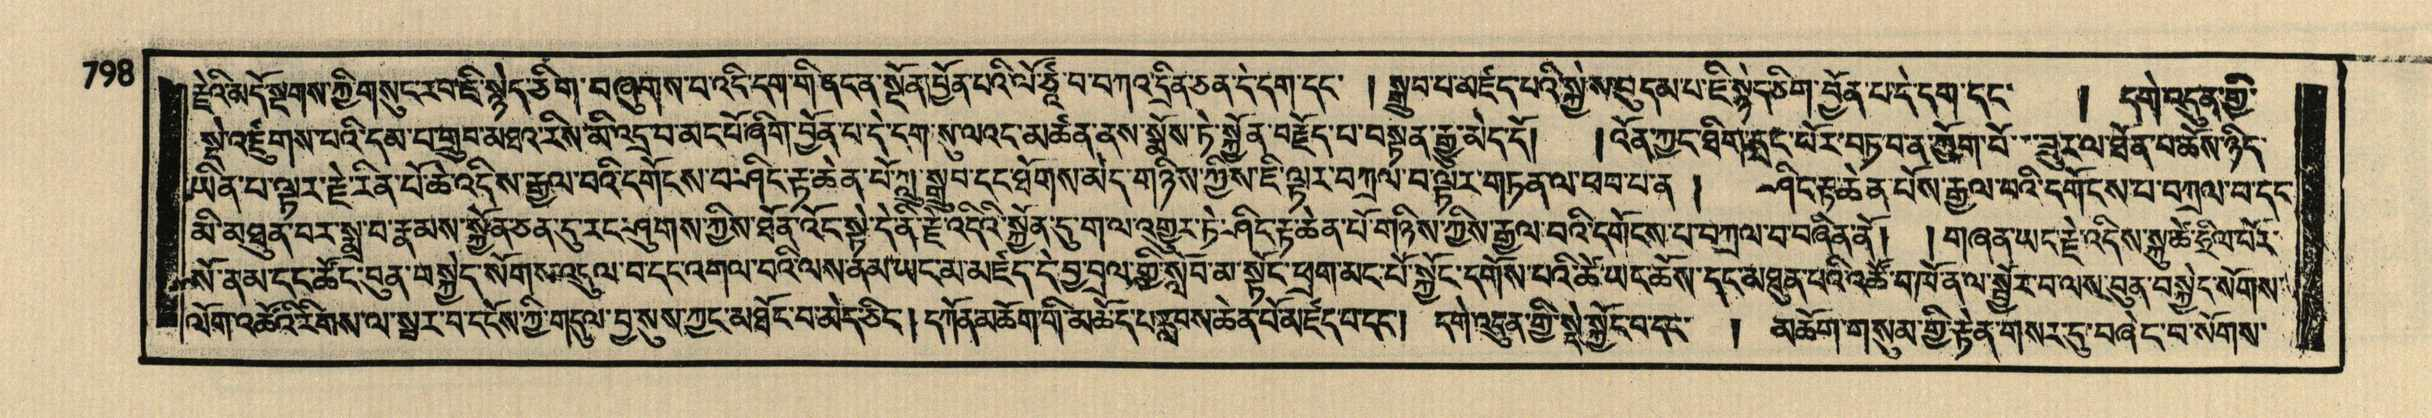རྗེའི་མདོ་སྔགས་ཀྱི་གསུང་རབ་ཇི་སྙེད་ཅིག་བཞུགས་པ་འདི་དག་གི་ནང་ན་སྔོན་བྱོན་པའི་ལོ་ཙཱ་བ་བཀའ་དྲིན་ཅན་དེ་དག་དང་།སྒྲུབ་པ་མཛད་པའི་སྐྱེས་བུ་དམ་པ་ཇི་སྙེད་ཅིག་བྱོན་པ་དེ་དག་དང་། དགེ་འདུན་གྱི་
སྡེ་འཛུགས་པའི་དམ་པ་གྲུབ་མཐའ་རིས་མི་འདྲ་བ་མང་པོ་ཞིག་བྱོན་པ་དེ་དག་སུ་ལའང་མཚན་ནས་སྨོས་ཏེ་སྐྱོན་བརྗོད་པ་བསྟན་རྒྱུ་མེད་དོ། །འོན་ཀྱང་ཐིག་རླང་པོར་བཏབ་ན་ཀྱོག་པོ་ཟུར་ལ་ཐོན་པ་ཆོས་ཉིད་
ཡིན་པ་ལྟར་རྗེ་རིན་པོ་ཆེ་འདིས་རྒྱལ་བའི་དགོངས་བ་ཤིང་རྟ་ཆེན་པོ་ཀླུ་སྒྲུབ་དང་ཐོགས་མེད་གཉིས་ཀྱིས་ཇི་ལྟར་བཀྲལ་བ་ལྟར་གཏན་ལ་ཕབ་པ་ན། ཤིང་རྟ་ཆེན་པོས་རྒྱལ་པའི་དགོངས་པ་བཀྲལ་བ་དང་
མི་མཐུན་བར་སྨྲ་བ་རྣམས་སྐྱོན་ཅན་དུ་རང་ཤུགས་ཀྱིས་ཐོན་འོང་སྟེ་དེ་ནི་རྗེ་འདིའི་སྐྱོན་དུ་ག་ལ་འགྱུར་ཏེ་ཤིང་རྟ་ཆེན་པོ་གཉིས་ཀྱིས་རྒྱལ་བའི་དགོངས་པ་བཀྲལ་བ་བཞིན་ནོ། །གཞན་ཡང་རྗེ་འདིས་སྐུ་ཚེ་ཧྲིལ་བོར་
སོ་ནམ་དང་ཚོང་བུན་བསྐྱེད་སོགས་འདུལ་བ་དང་འགལ་བའི་ལས་ནམ་ཡང་མ་མཛད་དེ་བྱ་བྲལ་གྱི་སློབ་མ་སྟོང་ཕྲག་མང་པོ་སྐྱོང་དགོས་པའི་ཚེ་ཡང་ཆོས་དང་མཐུན་པའི་འཚོ་བ་ཁོ་ན་ལ་སྦྱོར་བ་ལས་བུན་བསྐྱེད་སོགས་
ལོག་འཚོའི་རིགས་ལ་སྦར་བ་དངོས་ཀྱི་གདུལ་བྱ་སུས་ཀྱང་མཐོང་བ་མེད་ཅིང་། དཀོན་མཆོག་གི་མཆོད་པ་རླབས་ཆེན་པོ་མཛད་པ་དང་། དགེ་འདུན་གྱི་སྡེ་སྐྱོང་བ་དང་། མཆོག་གསུམ་གྱི་རྟེན་གསར་དུ་བཞེང་བ་སོགས་